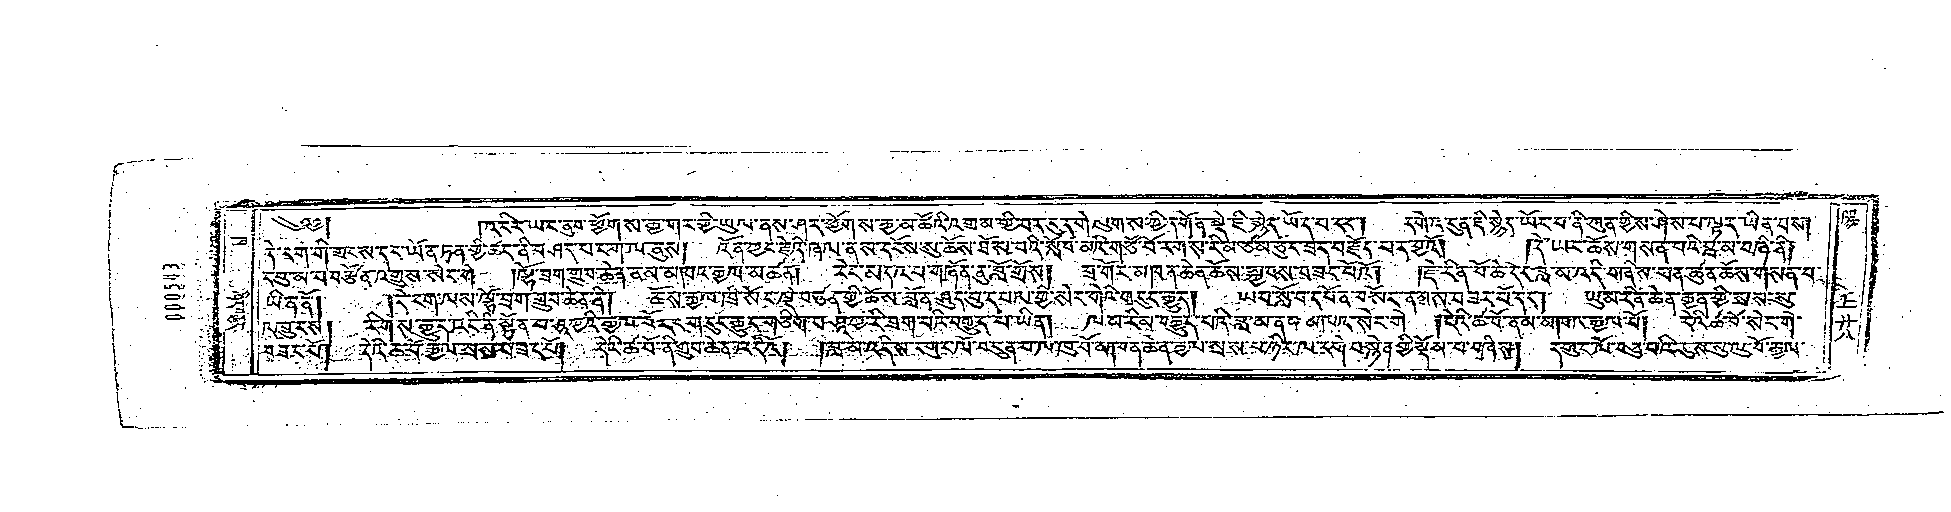༄༅། །འདིར་ཡང་ནུབ་ཕྱོགས་རྒྱ་གར་གྱི་ཡུལ་ནས་ཤར་ཕྱོགས་རྒྱ་མ་ཚོའི་འགྲམ་གྱི་བར་དུ་དགེ་ལུགས་ཀྱི་དགོན་སྡེ་ཇི་སྙེད་ཡོད་བ་དང་། དགེ་འདུན་ཇི་སྙེད་ཡོང་བ་ནི་ཀུན་གྱིས་ཤེས་པ་ལྟར་ཡིན་པས།
དེ་དག་གི་གྲངས་དང་ཡོན་ཏན་གྱི་ཚད་ནི་བཤད་པར་ག་ལ་ནུས། འོན་ཀྱང་རྗེའི་ཞལ་ནས་དངོས་སུ་ཆོས་ཐོས་པའི་སློབ་མའི་གཙོ་བོ་རགས་རིམ་ཙམ་ཅུང་ཟད་བརྗོད་པར་བྱའོ། །དེ་ཡང་ཆོས་གསན་པའི་བླ་མ་བཞི་ནི།
དབུ་མ་པ་བརྩོན་འགྲུས་སེང་གེ །ལྷོ་བྲག་གྲུབ་ཆེན་ནམ་མཁའ་རྒྱལ་མཚན། རེང་མདའ་པ་གཞོན་ནུ་བློ་གྲོས། བྲ་གོར་མཁན་ཆེན་ཆོས་སྐྱབས་བཟང་པོའོ། །རྗེ་རིན་པོ་ཆེ་དེར་བླ་མ་འདི་བཞིས་ཕན་ཚུན་ཆོས་གསན་པ་
ཡིན་ནོ། །དེ་དག་ལས་ལྷོ་བྲག་གྲུབ་ཆེན་ནི། ཆོས་རྒྱལ་ཁྲི་སོང་ལྡེ་བཙན་གྱི་ཆོས་བློན་ཤུད་བུ་དཔལ་གྱི་སེང་གེའི་གདུད་རྒྱུད། ཡབ་སློབ་དཔོན་བསོད་ནམས་བཟང་པོ་དང་། ཡུམ་རིན་ཆེན་རྒྱན་གྱི་སྲས་སུ་
འཁྲུངས། རིགས་རྒྱུད་འདི་ནི་སྟོན་བ་ཤཱཀྱའི་རྒྱལ་པོ་དང་གདུང་རྒྱུད་གཅིག་པ་ཤཱཀྱ་རི་བྲག་པའི་བགྱུད་པ་ཡིན། ལམ་རིམ་བརྒྱུད་པའི་བླ་མ་ནམ་མཁའ་སེང་གེ །དེའི་ཚ་བོ་ནམ་མཁའ་རྒྱལ་པོ། དེའི་ཚ་བོ་སེང་གེ་
བཟང་པོ། དེའི་ཚ་བོ་རྒྱལ་སྲས་བཟང་པོ། དེའི་ཚ་བོ་ནི་གྲུབ་ཆེན་འདིའོ། །བླ་མ་འདིས་དགུང་ལོ་བདུན་པ་ལ་ཁུ་བོ་མཁན་ཆེན་རྒྱལ་སྲས་པ་ཉིད་ལ་དགེ་བསྙེན་གྱི་སྡོམ་པ་བཞེས། དགུང་ལོ་བཅུ་པའི་དུས་སུ་ལུ་པོ་རྒྱལ་